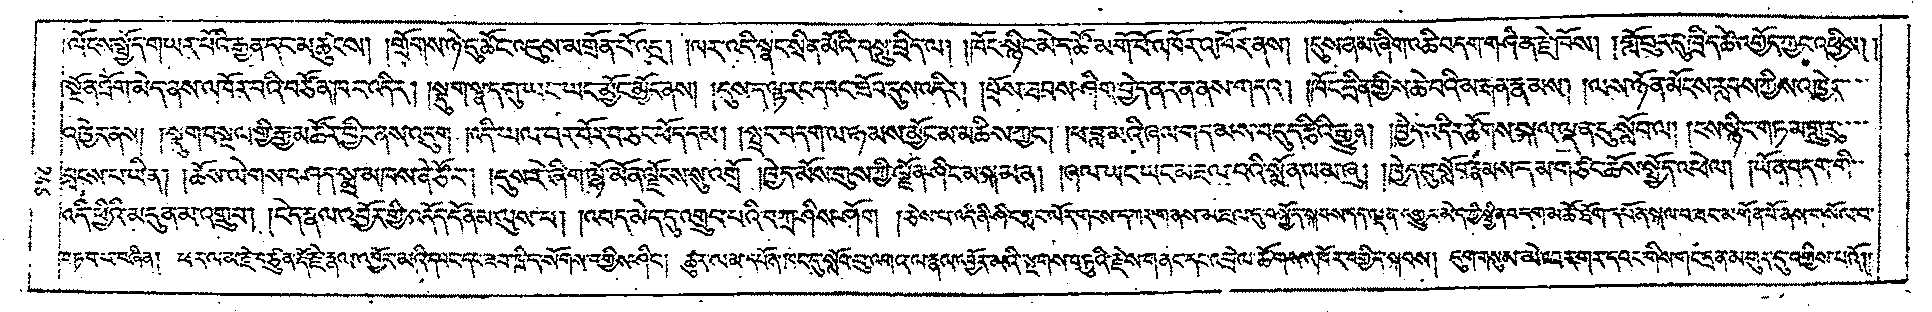ལོངས་སྤྱོད་གཡར་པོའི་རྒྱན་དང་མཚུངས། །གྲོགས་ཉེ་དུ་ཚོང་འདུས་མགྲོན་པོ་འདྲ། །ལར་འདི་སྣང་སྲིན་མོའི་བསླུ་བྲིད་ལ། །ཁོང་སྙིང་མེད་ཚོ་མགོ་བོ་འཁོར་འཁོར་ནས། །དུས་ནམ་ཞིག་འཆི་བདག་གཤིན་རྗེ་ཁོས། །གློ་བུར་དུ་ཁྲིད་ཚེ་འགྱོད་ཀྱང་འཕྱིས། །
སྔོན་ཐོག་མེད་ནས་འཁོར་བའི་བཙོན་ཁང་འདིར། །སྡུག་སྣ་དགུ་ཡང་ཡང་མྱོང་མྱོང་ནས། །དུས་ད་ལྟ་རང་དབང་ཐོབ་དུས་འདིར། །བྲོས་ཐབས་ཤིག་བྱེད་ན་རན་ནས་གདའ། །ཁོང་དྲིན་གྱིས་ཆེ་བའི་མ་རྒན་རྣམས། །ལས་ཉོན་མོངས་རླབས་ཀྱིས་འཁྱེར་
འཁྱེར་ནས། །སྡུག་བསྔལ་གྱི་རྒྱ་མཚོར་བྱིང་ནས་འདུག །འདི་ཡལ་བར་བོར་བ་ཅང་ཕོད་དམ། །སྤྲང་བདག་ལ་ཉམས་མྱོང་མ་མཆིས་ཀྱང་། །ཕ་བླ་མའི་ཞལ་གདམས་བདུད་རྩིའི་རྒྱུན། །ཁྱེད་འདིར་ཚོགས་སྐལ་ལྡན་དུ་སློབ་ལ། །ངས་སྙིང་གཏམ་གླུ་རུ་
བླངས་པ་ཡིན། །ཆོས་ལེགས་བཤད་སྨྲ་མཁས་ནི་ཙོ་ང་། །དུས་རེ་ཞིག་ལྷོ་མོན་ལྗོངས་སུ་འགྲོ། །ཁྱེད་མོས་གུས་ཀྱི་ལྗོན་ཤིང་མ་སྐམ་ན། །ཞལ་ཡང་ཡང་མཇལ་བའི་སྨོན་ལམ་ཞུ། །ཁྱེད་བུ་སློབ་རྣམས་དམ་གཙང་ཆོས་སྤྱོད་འཕེལ། །ཡོན་བདག་གི་
འདི་ཕྱིའི་མདུན་མ་འགྲུབ། །ངེད་རྣལ་འབྱོར་གྱིས་འདོད་དོན་མ་ལུས་པ། །འབད་མེད་དུ་འགྲུབ་པའི་བཀྲ་ཤིས། །ཅེས་པ་འདི་ནི་ཤིང་གླང་ལོར་གངས་དཀར་གནས་མཇལ་དུ་བསྐྱོད་སྐབས་དད་ལྡན་འགྱུར་མེད་ཀྱི་སྦྱིན་བདག་མཚོ་ཐོག་དཔོན་སྐལ་བཟང་མགོན་པོ་ནས་གསོལ་བ་
བཏབ་པ་བཞིན། ཕར་ལམ་རྗེ་བཙུན་རྡོ་རྗེ་རྣལ་འབྱོར་མའི་དབང་དང་ཟབ་ཁྲིད་སོགས་བགྱིས་ཤིང་། ཚུར་ལམ་དཔོན་ཁང་དུ་སློབ་བུ་འགའ་ལ་རྣལ་འབྱོར་མའི་སྔགས་བཏུའི་རྗེས་གནང་དང་འབྲེལ་ཚོགས་འཁོར་བགྱིད་སྐབས། དུག་གསུམ་མེ་འབར་གར་དབང་གིས་གང་དྲན་མགུར་དུ་བགྱིས་པའོ།།